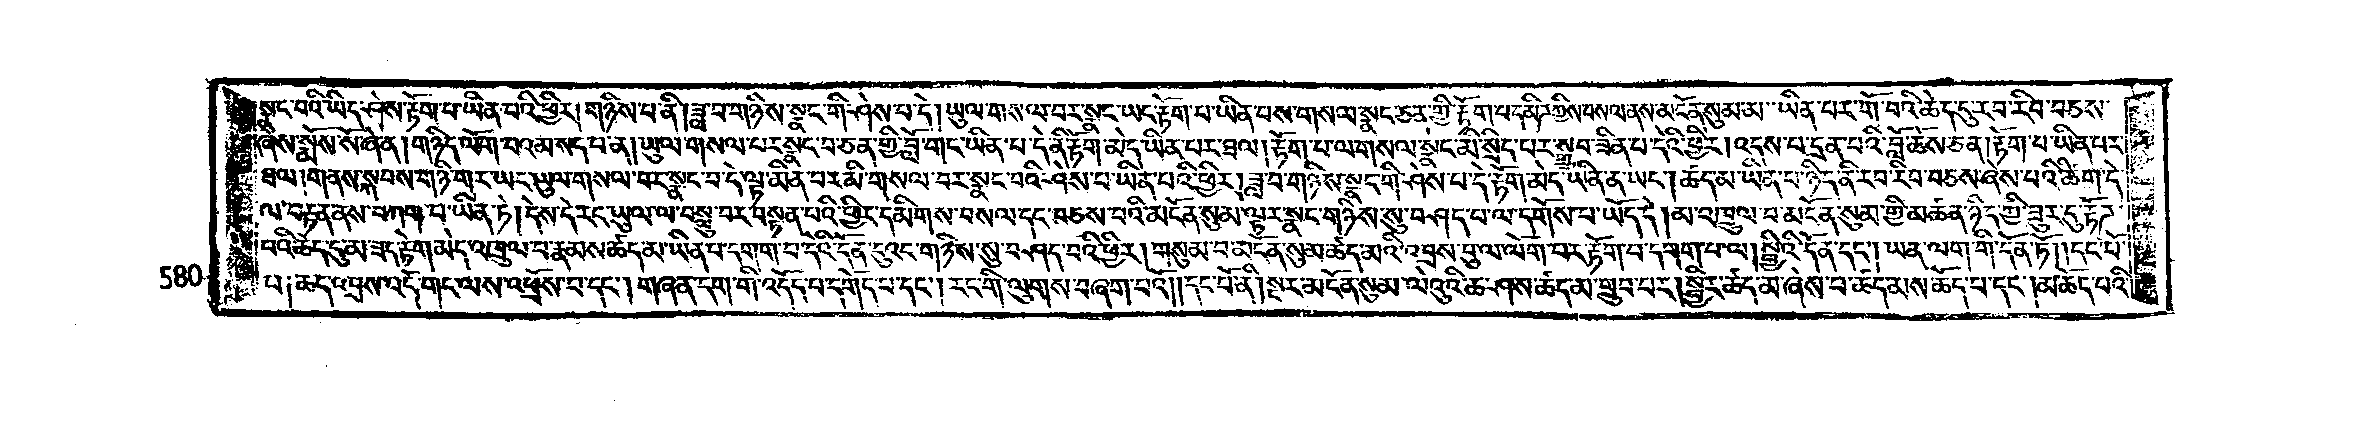སྣང་བའི་ཡིད་ཤེས་རྟོག་པ་ཡིན་པའི་ཕྱིར། གཉིས་པ་ནི། ཟླ་བ་གཉིས་སྣང་གི་ཤེས་པ་དེ། ཡུལ་གསལ་བར་སྣང་ཡང་རྟོག་པ་ཡིན་པས་གསལ་སྣང་ཅན་གྱི་རྟོག་པ་དམིགས་ཀྱིས་བསལ་ནས་མངོན་སུམ་མ་ཡིན་པར་གོ་བའི་ཆེད་དུ་རབ་རིབ་བཅས་
ཞེས་སྨོས་སོ་ཞེ་ན། གཉིད་ལོག་བའམ་སད་པ་ན། ཡུལ་གསལ་བར་སྣང་བ་ཅན་གྱི་བློ་གང་ཡིན་པ་དེ་ནི་རྟོག་མེད་ཡིན་པར་ཐལ། རྟོག་པ་ལ་གསལ་སྣང་མི་སྲིད་པར་སྒྲུབ་ཟིན་པ་དེའི་ཕྱིར། འདས་པ་དྲན་པའི་བློ་ཆོས་ཅན། རྟོག་པ་ཡིན་པར་
ཐལ། གནས་སྐབས་གཉི་གར་ཡང་ཡུལ་གསལ་བར་སྣང་བ་དེ་ལྟ་མིན་པར་མི་གསལ་བར་སྣང་བའི་ཤེས་པ་ཡིན་པའི་ཕྱིར། ཟླ་བ་གཉིས་སྣང་གི་ཤེས་པ་དེ་རྟོག་མེད་ཡིན་ན་ཡང་། ཚད་མ་ཡིན་པ་ཉིད་ནི་རབ་རིབ་བཅས་ཞེས་པའི་ཚིག་དེ་
ལ་བརྟན་ནས་བཀག་པ་ཡིན་ཏེ། དེས་དེ་རང་ཡུལ་ལ་བསླུ་བར་བསྟན་པའི་ཕྱིར་དམིགས་བསལ་དང་བཅས་པའི་མངོན་སུམ་ལྟར་སྣང་གཉིས་སུ་བཤད་པ་ལ་དགོས་པ་ཡོད་དེ། མ་འཁྲུལ་བ་མངོན་སུམ་གྱི་མཚན་ཉིད་ཀྱི་ཟུར་དུ་རྟོགས་
པའི་ཆེད་དུ་མ་ཟད་རྟེག་མེད་འཁྲུལ་བ་རྣམས་ཚད་མ་ཡིན་པ་དགག་པ་དེའི་དོན་དུའང་གཉིས་སུ་བཤད་པའི་ཕྱིར། གསུམ་པ་མངོན་སུམ་ཚད་མའི་འབྲས་བུ་ལ་ལོག་པར་རྟོག་པ་དགག་པ་ལ། སྤྱིའི་དོན་དང་། ཡན་ལག་གི་དོན་ཏོ། །དང་པོ་
པ། ཆད་འབྲས་འདོ་གང་ལས་འཕྲོས་པ་དང་། གཞན་དག་གི་འདོད་པ་དགོད་པ་དང་། རང་གི་ལུགས་བཞག་པའོ། །དང་པོ་ནི། སྔར་མངོན་སུམ་ལེའུའི་ཆ་ཤས་ཚད་མ་གྲུབ་པར། སྤྱིར་ཚད་མ་ཞེས་པ་ཚད་མས་ཆོད་པ་དང་། མཆོད་པའི་